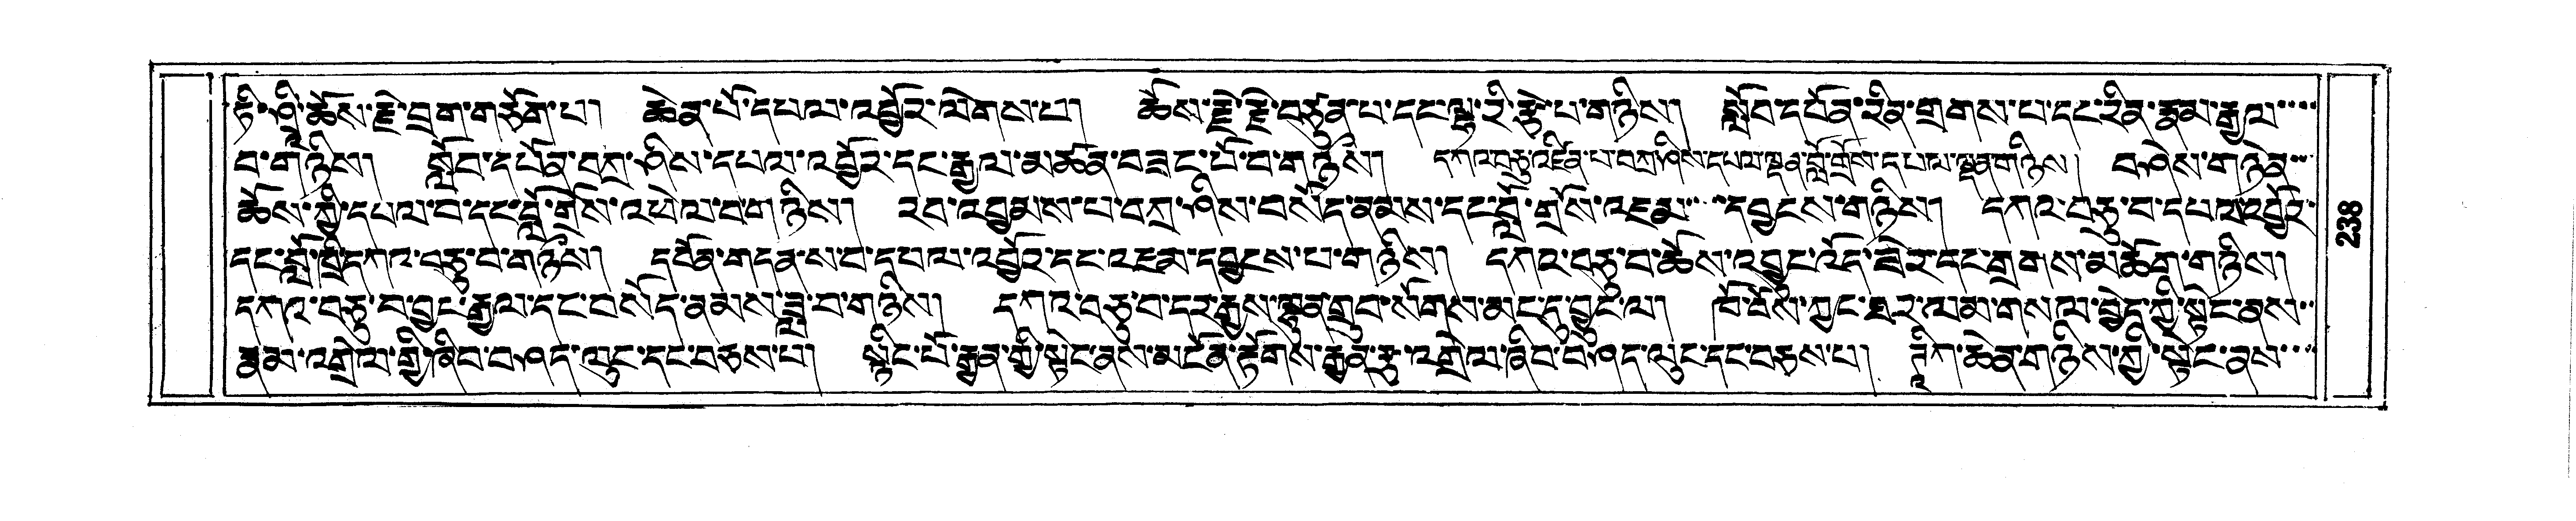ཏི་ཤྲཱི་ཆོས་རྗེ་བྲག་གཅོག་པ། ཆེན་པོ་དཔལ་འབྱོར་ལེགས་པ། ཆོས་རྗེ་རྗེ་བཙུན་པ་དང་ལྷ་རི་རྩེ་པ་གཉིས། སློབ་དཔོན་རིན་གྲགས་པ་དང་རིན་རྣམ་རྒྱལ་
བ་གཉིས། སློབ་དཔོན་བཀྲ་ཤིས་དཔལ་འབྱོར་དང་རྒྱལ་མཚན་བཟང་པོ་བ་གཉྀས། དཀའ་བཅུ་འཛིན་པ་བཀྲ་ཤིས་དཔལ་ལྡན་བློ་གྲོས་དཔལ་ལྡན་གཉིས། བཤེས་གཉེན་
ཆོས་ཀྱི་དཔལ་བ་དང་བློ་གྲས་འཕེལ་བ་གཉིས། རབ་འབྱམས་པ་བཀྲ་ཤིས་བསོད་ནམས་དང་བློ་གྲོས་འཇམ་དབྱངས་གཉིས། དཀའ་བཅུ་བ་དཔལ་འབྱོར་
དང་བློ་ཁྲི་དཀའ་བཅུ་བ་གཉྀས། དབོན་གདན་ས་བ་དཔལ་འབྱོར་དང་འཇམ་དབྱངས་པ་གཉིས། དཀའ་བཅུ་བ་ཆོས་འབྱུང་འོད་ཟེར་དང་གྲགས་མཆོག་གཉིས།
དཀའ་བཅུ་བ་བྱང་རྒྱལ་དང་བསོད་ནམས་ཟླ་བ་གཉིས། དཀའ་བཅུ་བ་དར་རྒྱས་ལྷུན་གྲུབ་སོགས་མང་དུ་བྱུང་ལ། ཁོ་བོས་ཀྱང་ཐར་ལམ་གསལ་བྱེད་ཀྱི་སྟེང་ནས་
རྣམ་འགྲེལ་གྱི་ཞིབ་བཤད་ལུང་དང་བཅས་པ། སྙིང་པོ་རྒྱན་གྱི་སྟེང་ནས་མངོན་རྟོགས་རྒྱན་རྩ་འགྲེལ་ཞིབ་བཤད་ལུང་དང་བཅས་པ། ཊཱིཀ་ཆེན་གཉིས་ཀྱི་སྟེང་ནས་